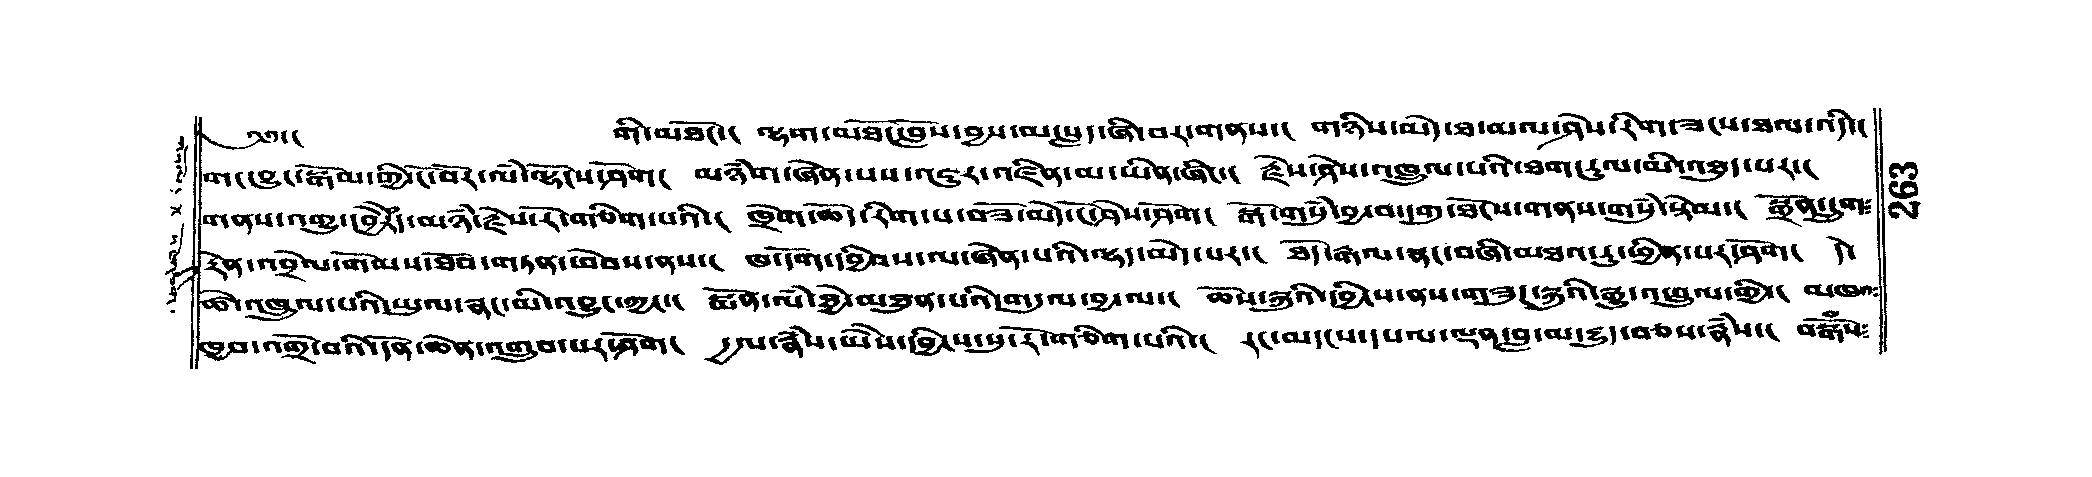གི་མཐོང་། །ལྷག་མཐོང་བློས་བྱས་མ་སླད་ཞི་བར་གནས། །གཉིས་མེད་ཐ་མལ་ཤེས་རིག་ཟང་ཐལ་འདི། །
གང་བྱུང་སྒོམ་གྱི་ངོ་བོར་ལམ་ལྷོངས་ཤོག །མཉམ་བཞག་ཞེན་པས་འཇུར་འཛིན་མ་ཡིན་ཞིང་། །རྗེས་ཤེས་འཁྲུལ་པའི་ཐག་རུལ་མི་འཐུད་པར། །
གནས་འགྱུ་དབྱེར་མེད་མཉམ་རྗེས་རོ་གཅིག་པའི། །ཁྲེགས་ཆོད་རིག་པ་བཟོ་མེད་ངོ་ཤེས་ཤོག །སྒོ་གསུམ་བྱ་བ་དགུ་ཐོངས་གནས་གསུམ་སྟིམ། །སྒྲོན་དྲུག་
རྟེན་འབྲེལ་གོམས་ཐོག་གཏན་ཕེབས་ནས། །ཁ་དོག་དབྱིབས་ལ་ཞེན་པའི་ལྷད་མེད་པར། །ཐོད་རྒལ་སྣང་བཞི་མཐའ་རུ་ཕྱིན་པར་ཤོག །དེ་
ཚེ་འཁྲུལ་པའི་ཡུལ་སྣང་མི་འབྱུང་ཀྱང་། །སྨོན་ལམ་ཐུགས་རྗེ་མཐུན་པའི་གདུལ་བྱ་ལ། །ཆོས་སྐུའི་དབྱིངས་ནས་གཟུགས་སྐུའི་སྒྱུ་འཕྲུལ་གྱི། །མཁའ་
ཁྱབ་འགྲོ་བའི་དོན་ཆེན་འགྲུབ་པར་ཤོག །རྒྱལ་རྣམས་ཡེ་ཤེས་དབྱིངས་སུ་རོ་གཅིག་པའི། །རང་མདངས་དཔལ་ལྡན་བླ་མ་རྒྱུད་བཅས་རྣམས། །བསྒོམས་